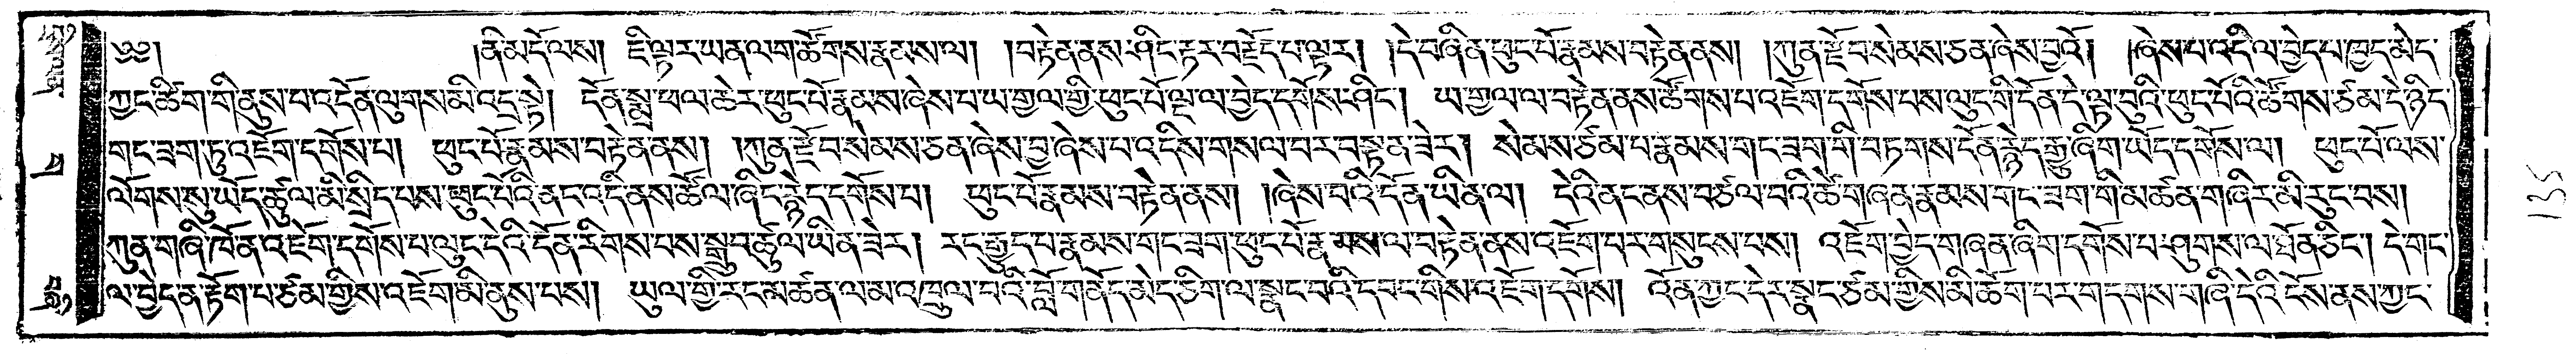༄༅། །ནི་མདོ་ལས། ཇི་ལྟར་ཡན་ལག་ཚོགས་རྣམས་ལ། །བརྟེན་ནས་ཤིང་རྟར་བརྗོད་བ་ལྟར། །དེ་བཞིན་ཕུང་པོ་རྣམས་བརྟེན་ནས། །ཀུན་རྫོབ་སེམས་ཅན་ཞེས་བྱའོ། །ཞེས་པ་འདི་ལ་བྱེད་པ་ཁྱད་མེད་
ཀྱང་ཚིག་གི་ནུས་པ་འདོན་ལུགས་མི་འདྲ་སྟེ། དོན་སྨྲ་ཕལ་ཆེར་ཕུང་པོ་རྣམས་ཞེས་པ་ཡ་གྱལ་གྱི་ཕུང་པོ་ལྔ་ལ་བྱེད་དགོས་ཤིང་། ཡ་གྱལ་ལ་བརྟེན་ནས་ཚོགས་པ་འཇོག་དགོས་པས་ལུང་གི་དོན་དེ་ལྟ་བུའི་ཕུང་པོའི་ཚོགས་ཙམ་དེ་ཉིད་
གང་ཟག་ཏུ་འཇོག་དགོས་པ། ཕུང་པོ་རྣམས་བརྟེན་ནས། །ཀུན་རྫོབ་སེམས་ཅན་ཞེས་བྱ་ཞེས་པ་འདིས་གསལ་བར་བསྟན་ཟེར། སེམས་ཙམ་པ་རྣམས་གང་ཟག་གི་བཏགས་དོན་རྙེད་རྒྱུ་ཞིག་ཡོད་དགོས་ལ། ཕུང་པོ་ལས་
ལོགས་སུ་ཡོད་ཚུལ་མི་སྲིད་པས་ཕུང་པོའི་ནང་འདི་ནས་ཚོལ་ཞིང་རྙེད་དགོས་པ། ཕུང་པོ་རྣམས་བརྟེན་ནས། །ཞེས་པའི་དོན་ཡིན་ལ། དེའི་ནང་ནས་བཙལ་བའི་ཚེ་གཞན་རྣམས་གང་ཟག་གི་མཚན་གཞིར་མི་རུང་བས།
ཀུན་གཞི་ཁོ་ན་འཇོག་དགོས་པ་ལུང་དེའི་དོན་རིགས་པས་སྒྲུབ་ཚུལ་ཡིན་ཟེར། རང་རྒྱུད་པ་རྣམས་གང་ཟག་ཕུང་པོ་རྣམས་ལ་བརྟེན་ནས་འཇོག་པར་གསུངས་པས། འཇོག་བྱེད་གཞན་ཞིག་དགོས་པ་ཤུགས་ལ་ཐོན་ཅིང་། དེ་གང་
ལ་བྱེད་ན་རྟོག་པ་ཙམ་གྱིས་འཇོག་མི་ནུས་པས། ཡུལ་གྱི་རང་མཚན་ལ་མ་འཁྲུལ་བའི་བློ་གནོད་མེད་ཅིག་ལ་སྣང་བའི་དབང་གིས་འཇོག་དགོས། འོན་ཀྱང་དེར་སྣང་ཙམ་གྱིས་མི་ཆོག་པར་གདགས་གཞི་དེའི་ངོས་ནས་ཀྱང་